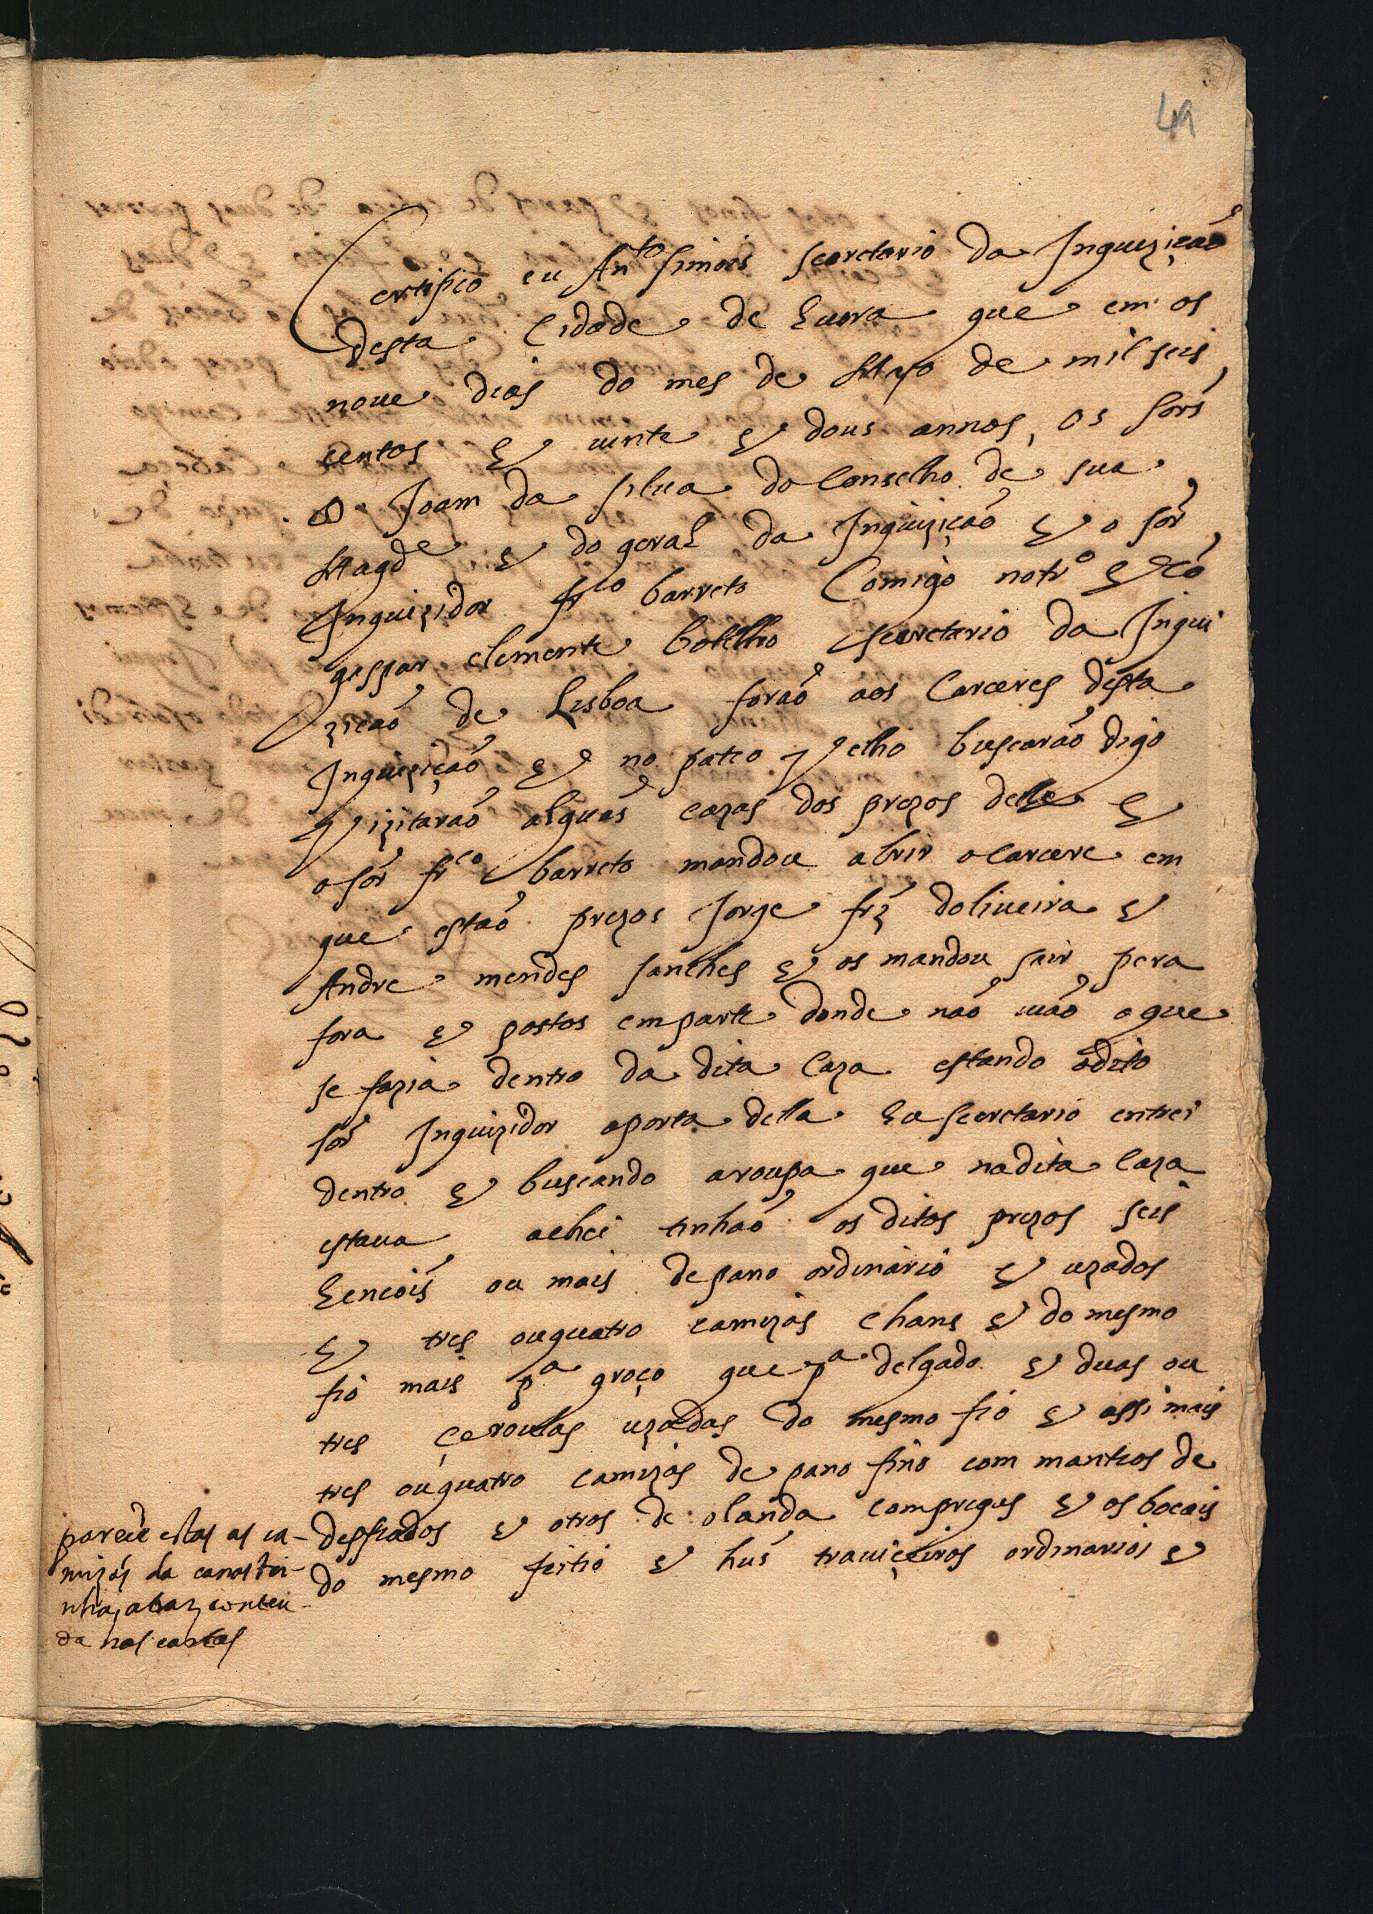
parecē estas as ca
mizas da canastri
nha atraz conteu
da nas cartas
Certifico eu Anto Simois secretario da Jnquiziçaõ
desta Cidade de Euora que em os
noue dias do mes de Majo de mil seis
centos E uinte E dous anno, os sors̄
D Joam da silua do conselho de sua
Magde E do geral da Jnquiziçaõ E o sor̄
Jnquizidor frco barreto Comigo notro E cō
gaspar clemente botelho secretario da Jnqui
ziçaõ de Lisboa forão aos Carceres desta
Jnquiziçaõ E no pateo Velho buscarão digo
Vizitarão alguās cazas dos prezos delle E
o sōr frco barreto mandou abrir o carcere em
que estaõ prezos Jorge frz̄ doliueira E
Andre mendes sanches E os mandou sair pera
fora E postos em parte donde naõ uiaõ o que
se fazia dentro da dita caza estando o dito
sōr Jnquizidor a porta della Eu secretario entrei
dentro E buscando a roupa que na dita caza
estaua achei tinhaõ os ditos prezos seis
lençois̄ ou mais de pano ordinario E uzados
E tres ou quatro camizas chans E do mesmo
fio mais pa groço que pa delgado E duas ou
tres ceroulas uzadas do mesmo fio E assi mais
tres ou quatro camizas de pano fino com manteos de
desfiados E otros de olanda com pregas E os bocais
do mesmo feitio E hus̄ trauiceiros ordinarios E
